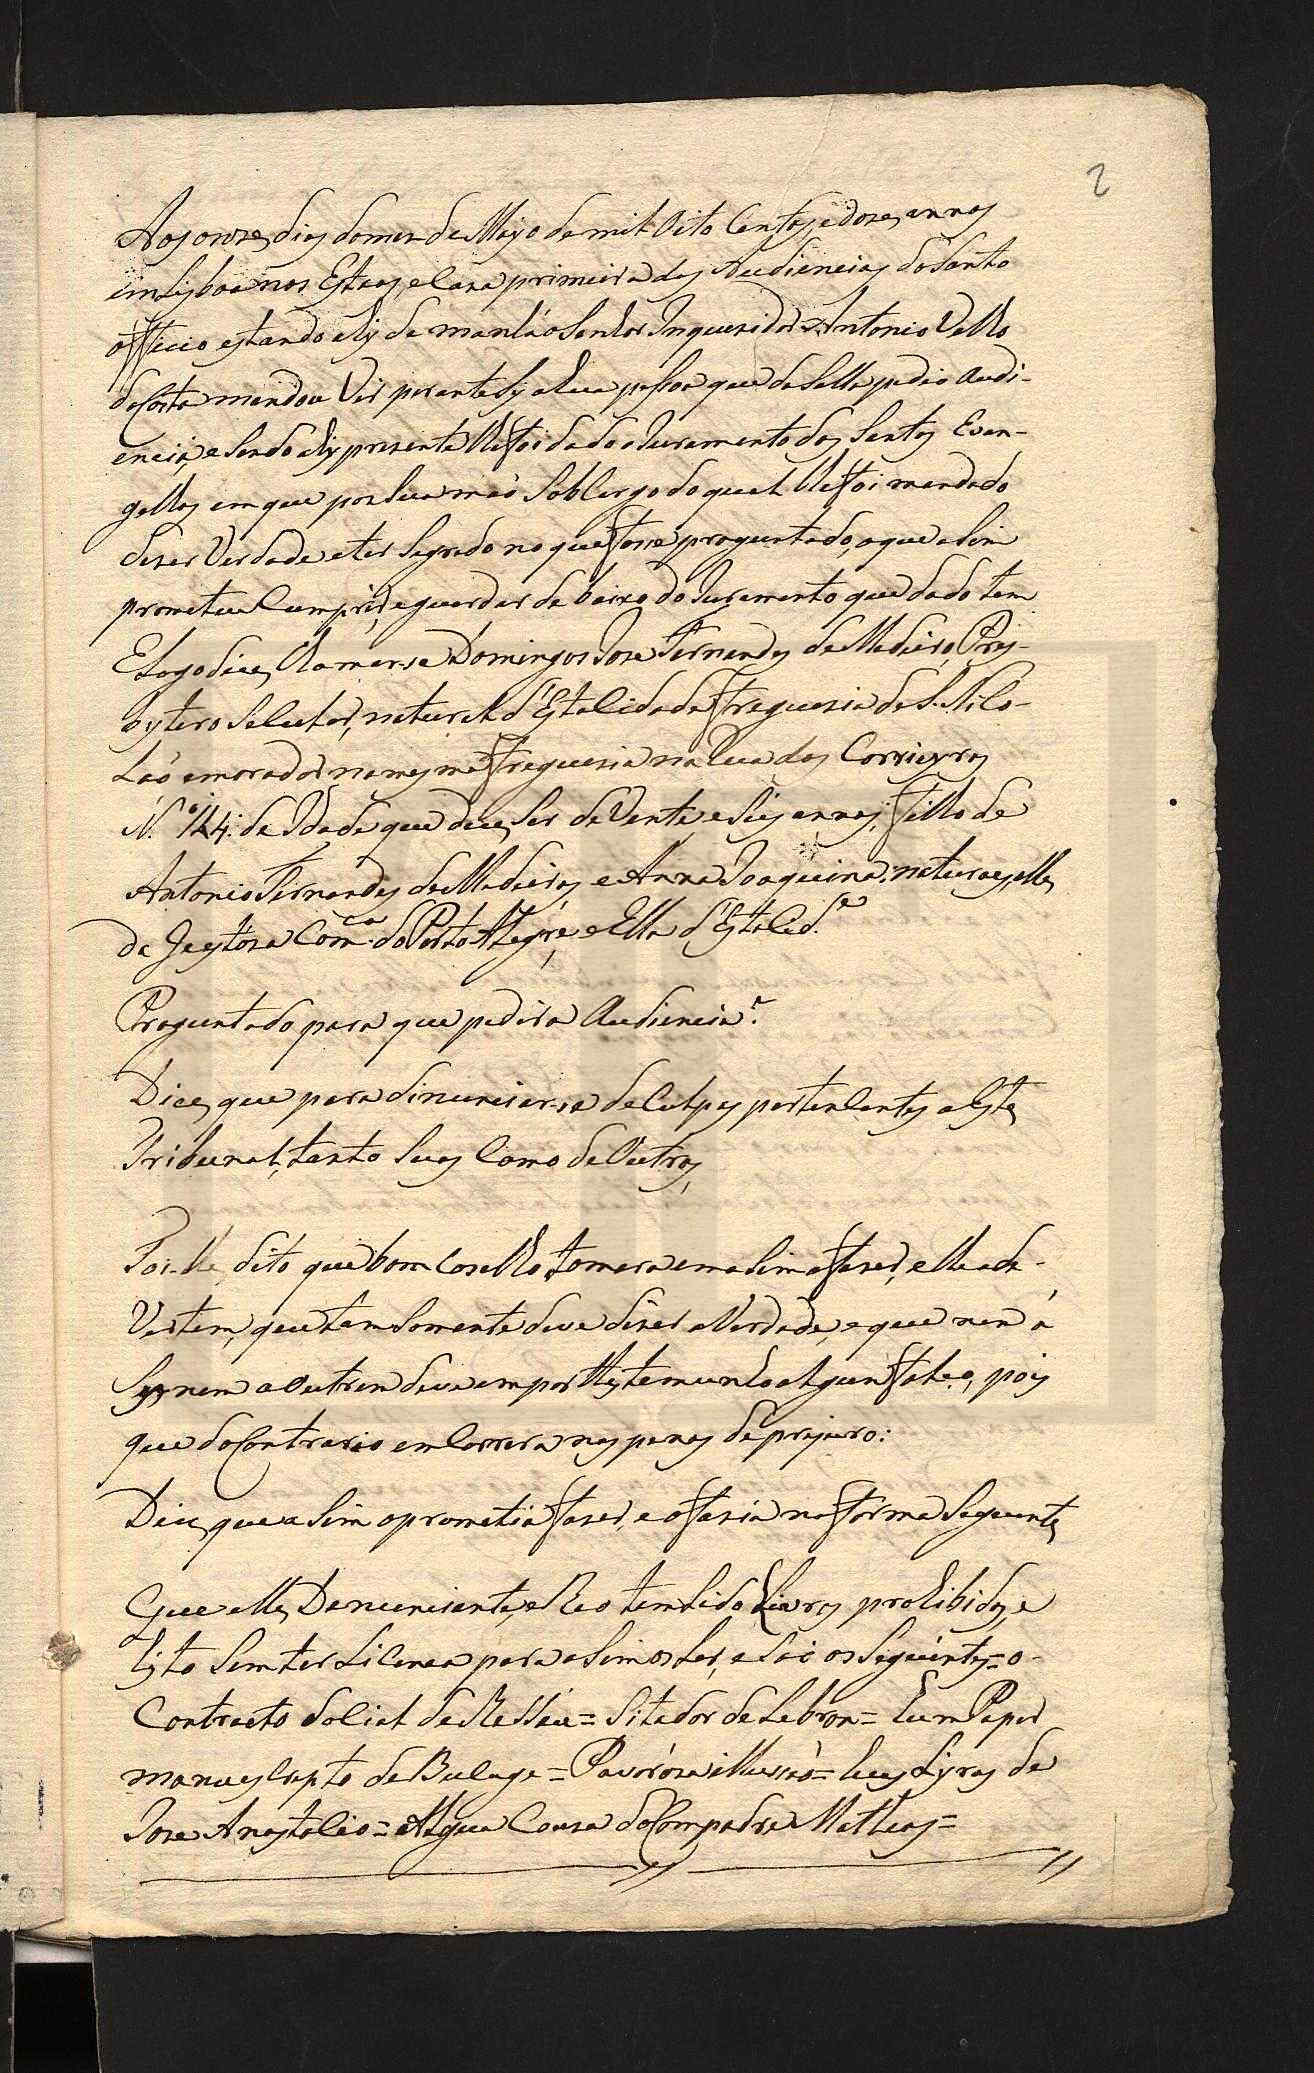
Aos onze dias do mez de Mayo de mil OitoCentos, e doze annos
em Lisboa nos Estaos, e Caza primeira das Audiencias do Santo
officio estando ahy de manhã o Senhor Inquizidor Antonio Velho
da Costa mandou Vir perante Sy a hua pessoa que da Salla pedio audi
encia, e sendo ahy prezente lhe foi dado o Iuramento dos Santos Evan
gelhos em que poz Sua maõ Sob Cargo do qual lhe foi mandado
dizer Verdade e ter Segredo no que fosse proguntado, o que aSim
prometeu Cumprir, e guardar debaixo do Iuramento que dado tem
E Logo dice, chamar-se Domingos Ioze Fernandes de Madeiro Pres
bytero SeCular, natural d'Esta Cidade freguezia de S. NiCo
Laõ, e morador na mesma freguezia na Rua dos Corrieyros
N.º 144 de Idade que dice Ser de Vinte e seis annos, filho de
Antonio Fernandes de Medeiros, e Anna Ioaquina; naturaes, elle
de Justoza Com.a do Porto Alegre, e Ella d'Esta Cid.e
Proguntado para que pedira audiencia?
Dice que para dinunciar-se de Culpas pertencentes a Este
Tribunal, tanto Suas Como de Outros,
Foi- lhe dito que bom Coselho tomara em asim o fazer, e lhe ade
Vertem, que tam Somente deve dizer a Verdade, e que nem a
Sy nem a Outren deve empor thestemunho algum falço, pois
que do Contrario emCorrera nas penas de prejuro:
Dice que asim o prometia fazer, e o fazia na forma Seguinte
Que elle Denunciante Reo tem lido Livros prohibidos, e
histo Sem ter Licença para aSim os Ler, e saõ os Seguintes=o
Contracto SoCial de Rassau= Sitador de Lebron= hum Paper
manuesCrepto de Bucage= Pavoroza illussaõ= huas Lyras de
Ioze AnastaCio = Algua Couza do Compadre Matheos
